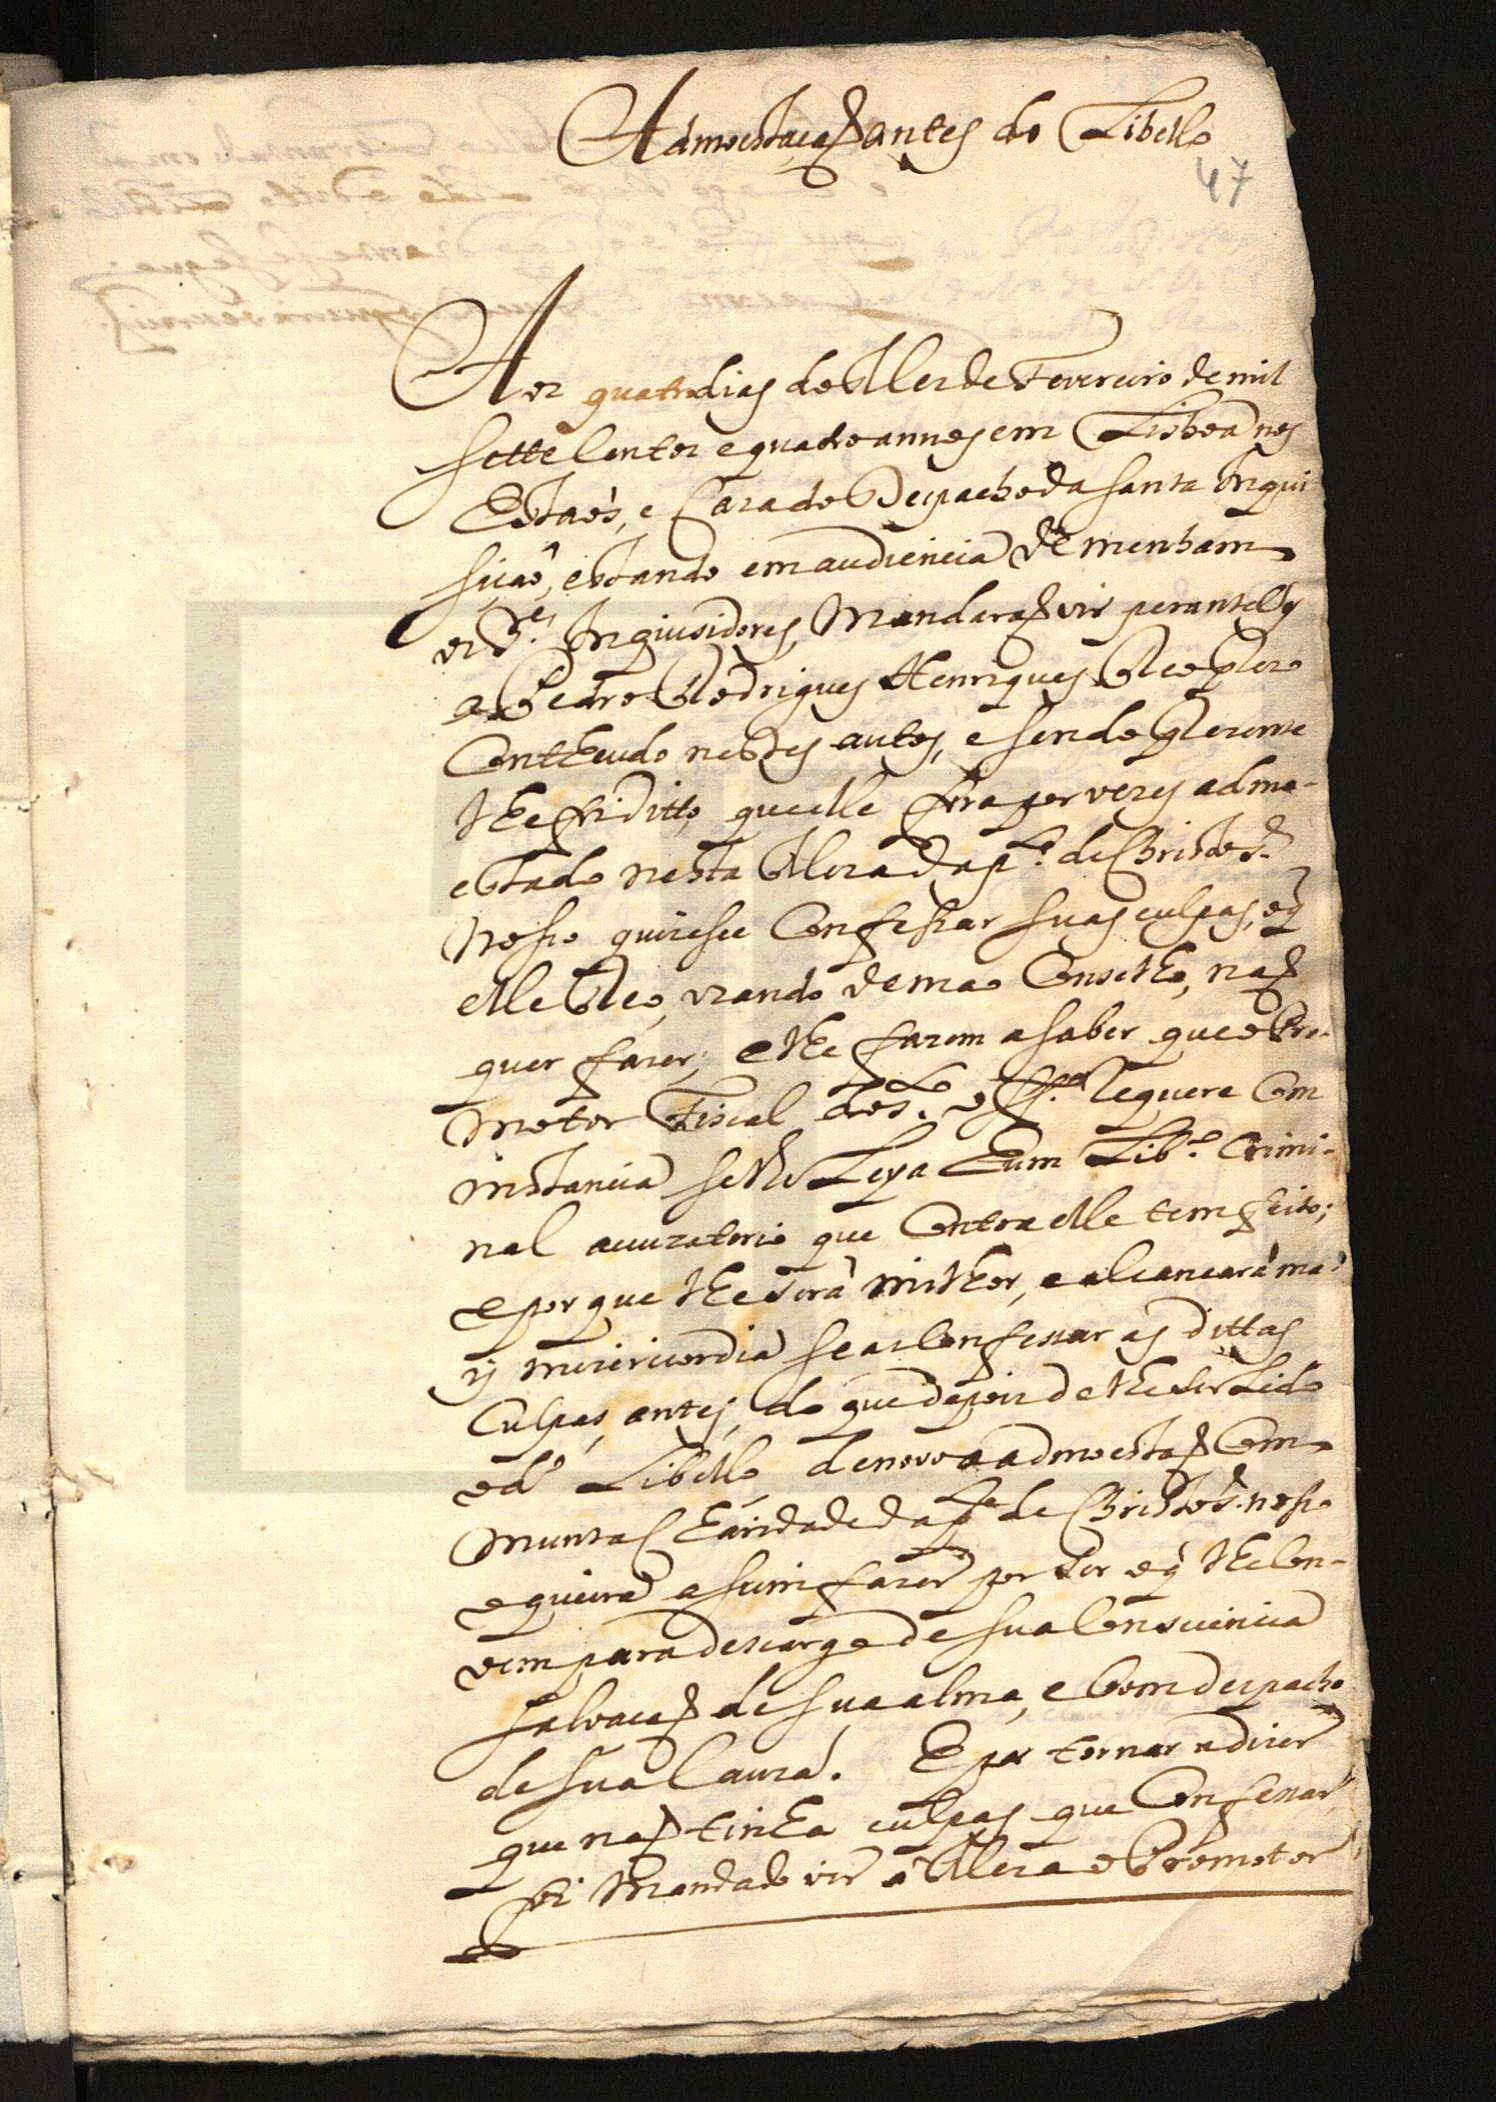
Admoestaçaõ antes do Libello
Aoz quatro dias do Mes de Fevereiro de mil
setteCentos e quatro annos em Lisboa nos
Estaós, e Caza do Despacho da santa Inqui
siçaõ, estando em audiencia de menham
os S.res Inquisidores, Mandaraõ vir perante Sy
a Pedro Rodrigues Henriques Reo prezo
Contheudo nestes autos, e sendo prezente
lhe foi ditto, que elle fora por vezes admo
estado nesta Meza da p.te de Christo s.or
nosso quizesse Confessar suas culpas, o q̄
elle Reo, vzando de mao Conselho, naõ
quer fazer; e lhe fazem a saber que o Pro
motor Fiscal do s.to off.o Requere Com
instancia se lhe Leya hum Lib.o Crimi
nal accuzatorio que Contra elle tem feito;
e porque lhe será milhor, e alcancarà ma
is meziricordia se as confessar as dittas
Culpas antes, do que depois de lhe ser Lido
o do Libello, de novo a admoestaõ Com
munta Charidade da pte de Chisto s.or nosso
o queira assim fazer por ser o q̄ lhe con
vem para descargo de sua Consciencia
salvaçaõ de sua alma, e bom despacho
de sua Cauza. E por tornar a dizer
que naõ tinha culpas que Confessar
foi mandado vir a Meza o Promotor
